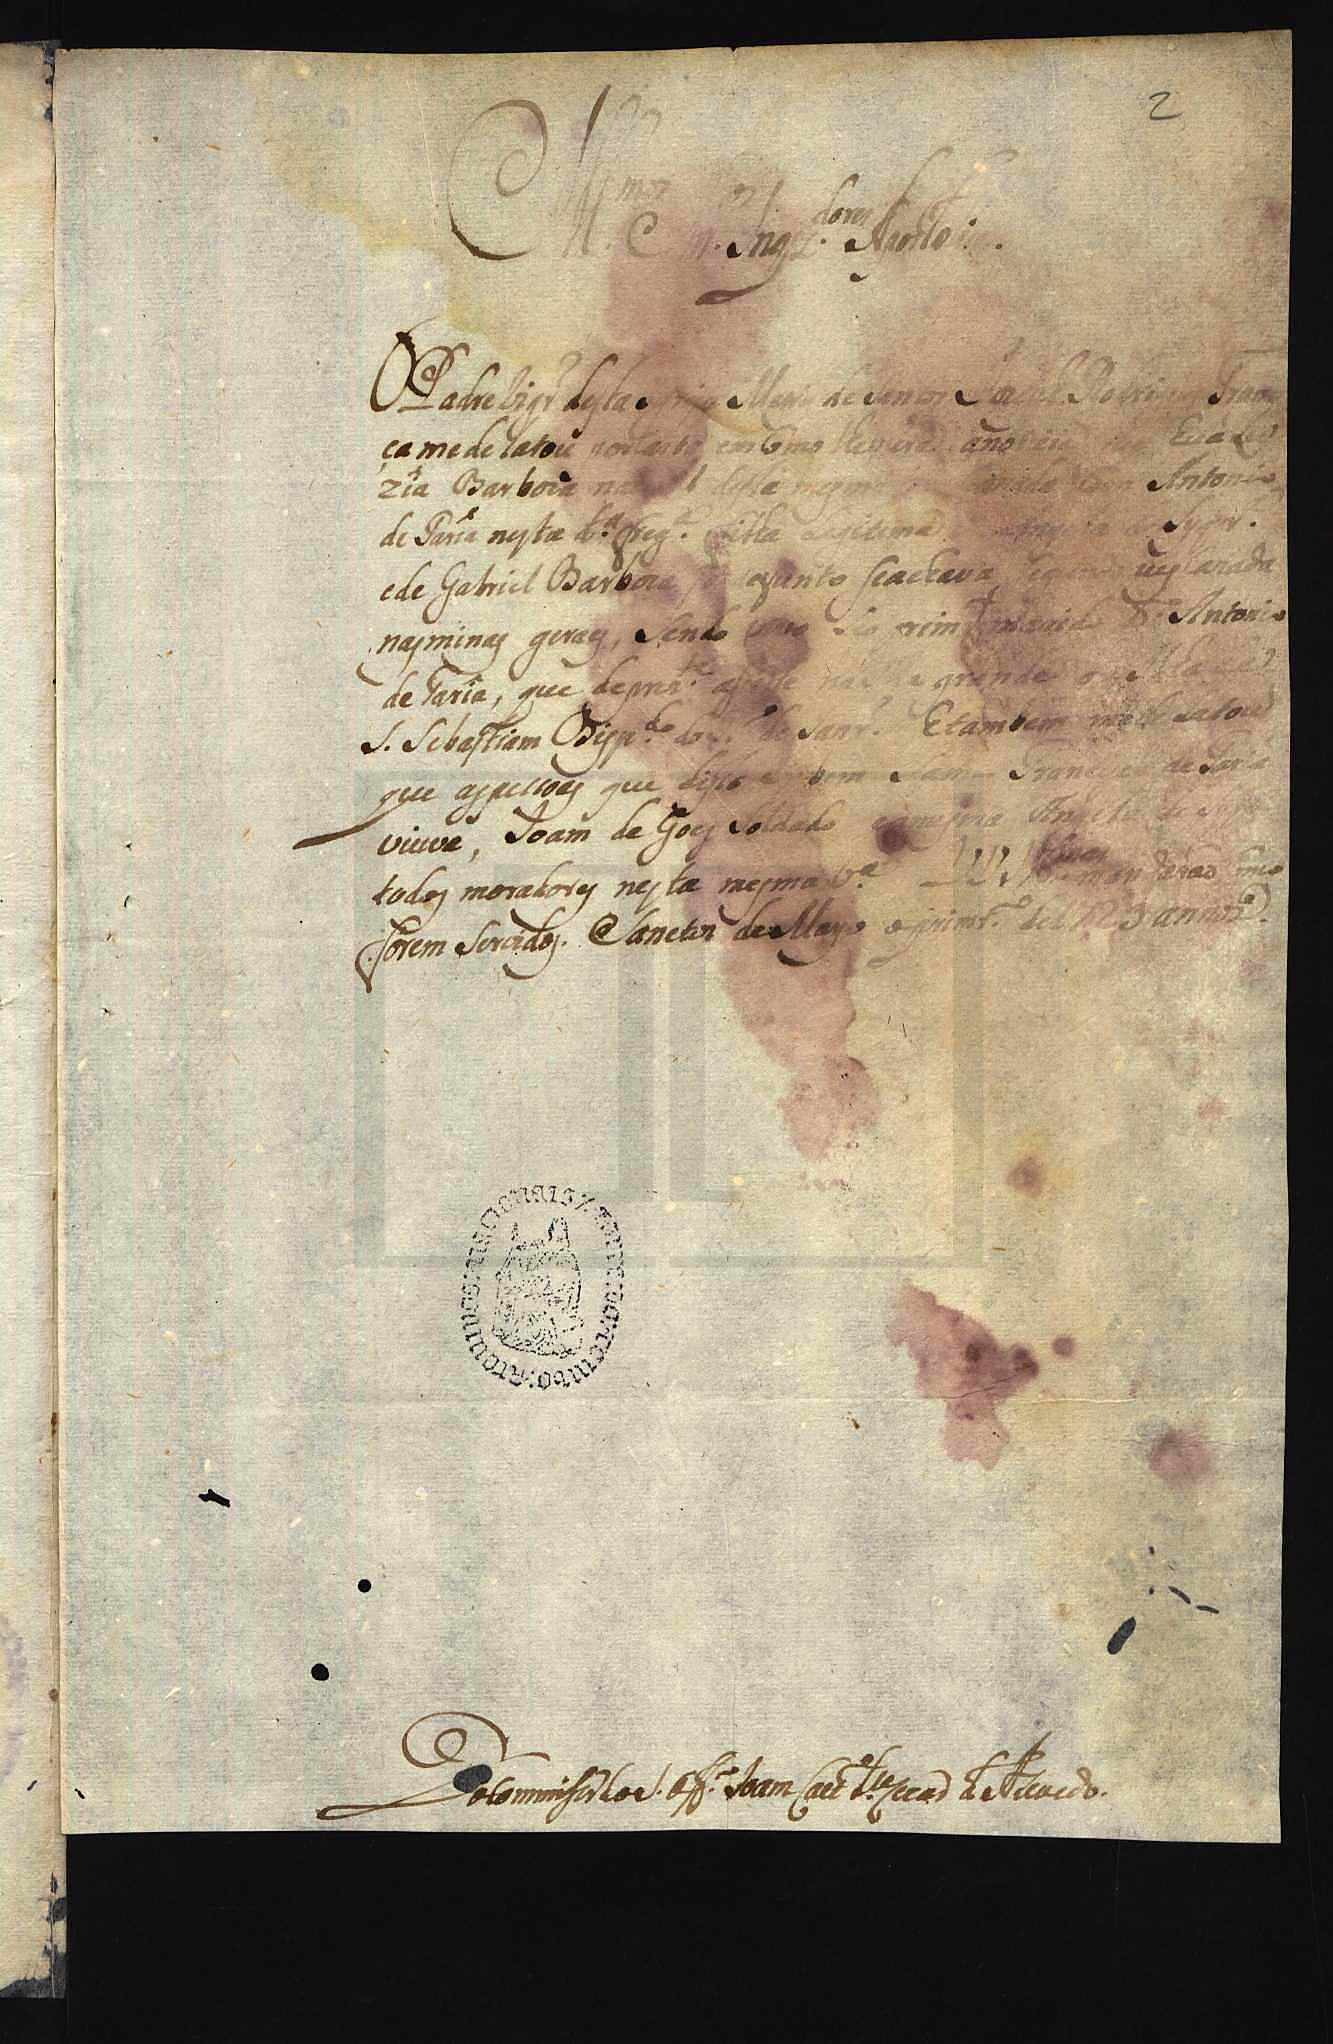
Ill.mos Snr.es Inq.dores Apostoli
O Padre Vigr̄ desta igreja Matris de Santos Iozeph Rodrigues Fran
ça me delatou por carta, em Como lhe uiera a noticia _ hua Lu
zia Barboza natural desta mesma Casada Com Antonio
de Faria nesta d̄.a freg.a filha Legitima Angela de Syqr.a
e de Gabriel Barboza, ja defunto se achava segunda ues Cazada
nas minas geraes, sendo vivo seo primeiro marido d̄o Antonio
de Faria, que de prez.te assiste na Ilha grande ou Ilha de
S. Sebastiam Bisp.do do R.o de Ianr.o E tambem me delatou
que as pessoas que disto sabem sam Francisca de Faria
viuva, Ioam de Goes soldado e a mesma Angela de Syq
todos moradores nesta mesma v.a V.V. Ill.mas mandaraõ Como
forem servidos. Sanctos de Mayo o primr.o de 1723 annoz.
Do Commissr do S. Off.o Ioam Caet.o L.te Cezar de Azeuedo.
